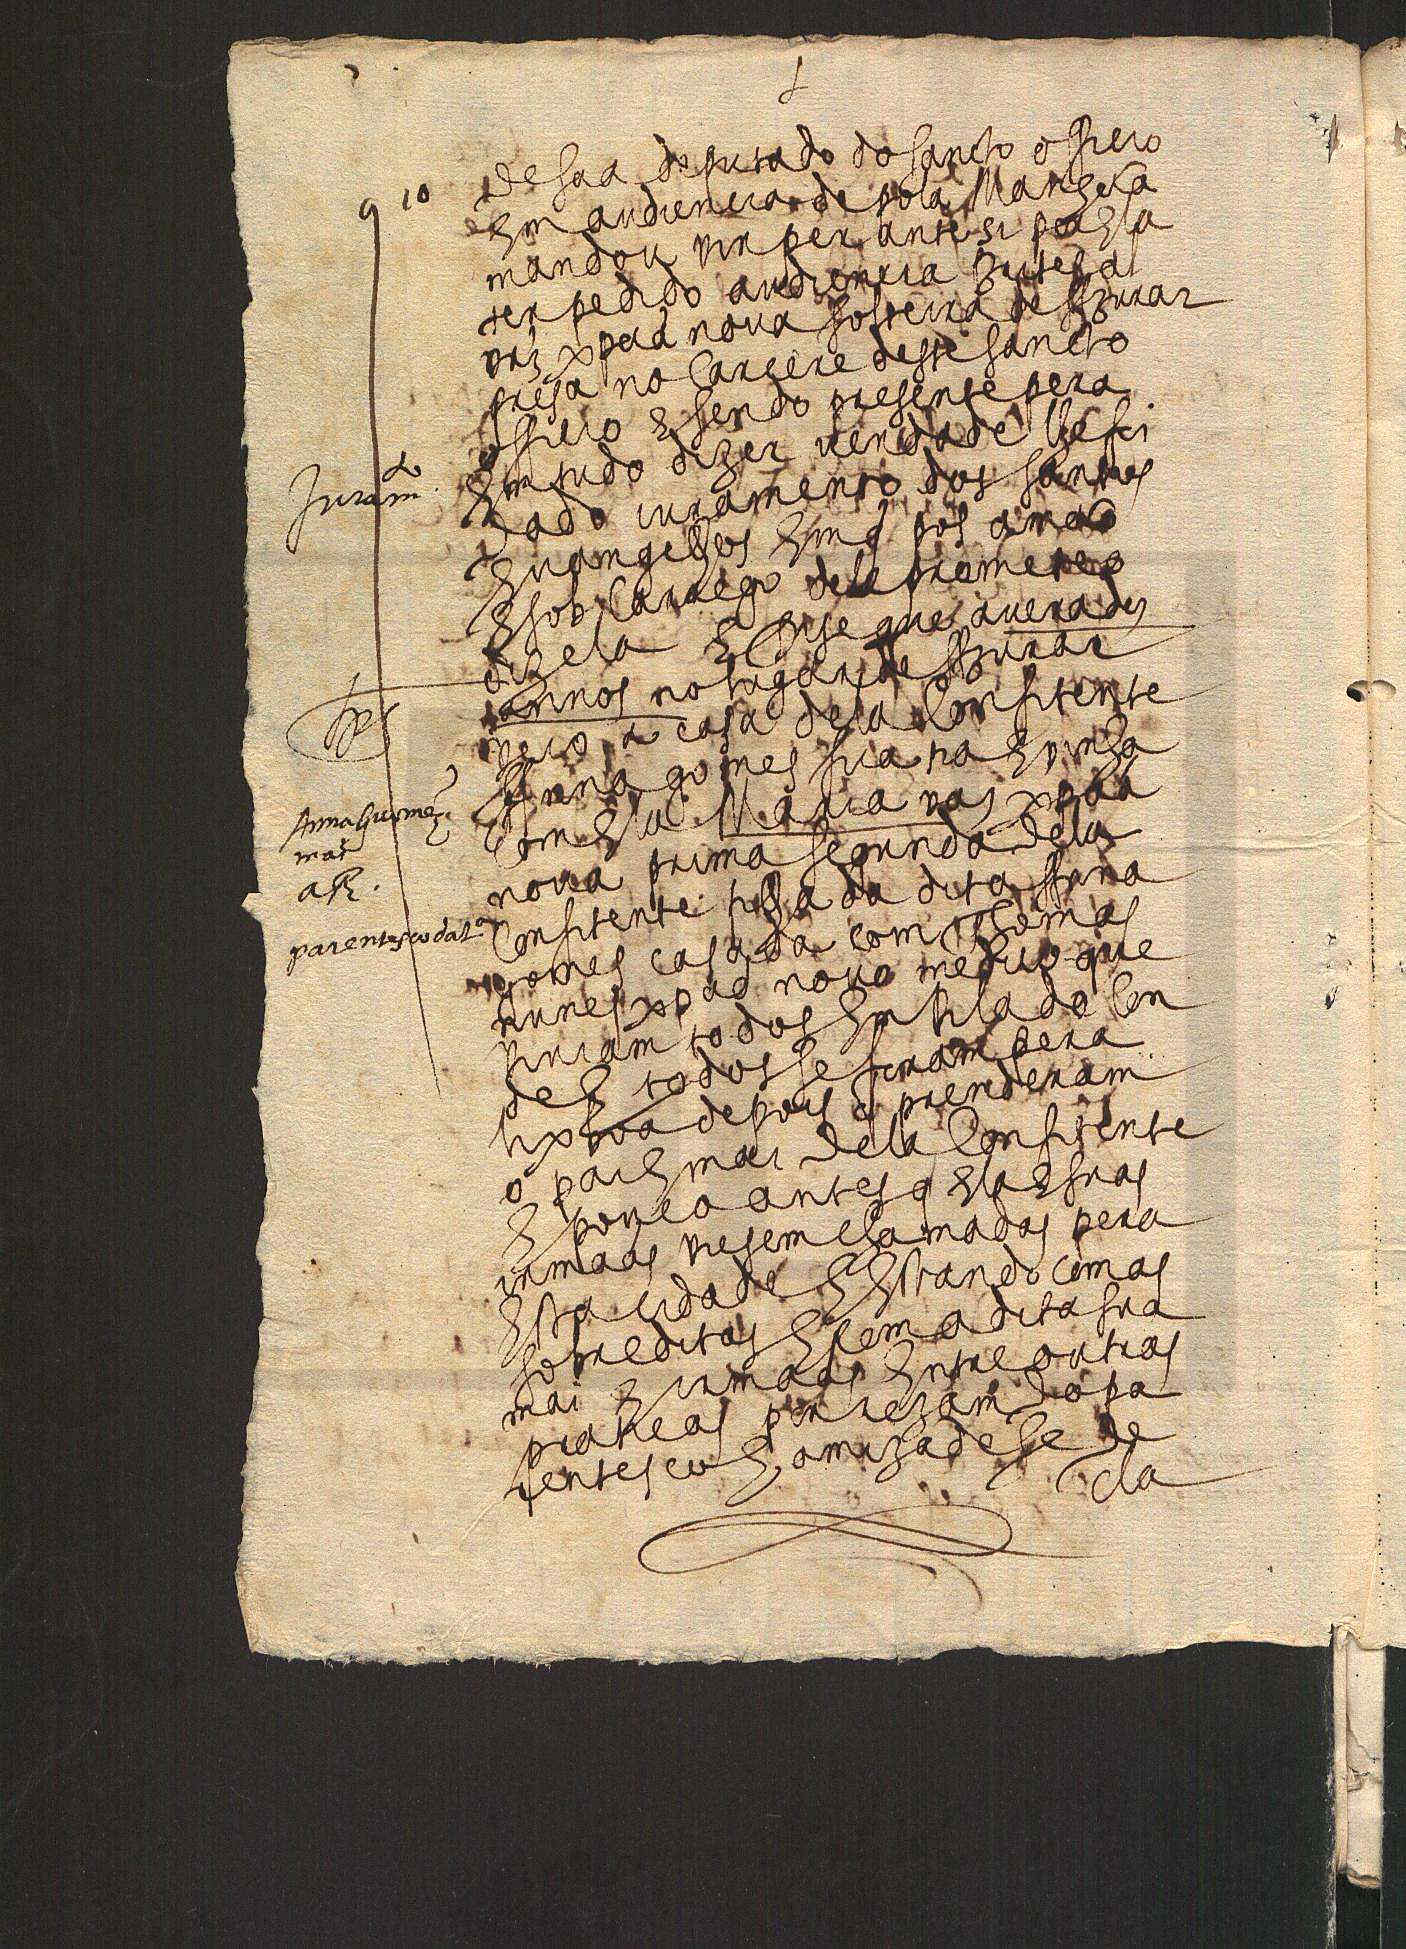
de saa deputado do sancto officio
Em audiencia de pola Manhaā
mandou vir perante si por Ela
ter pedido audiencia Brites al
vaz̄ xpaā noua solteira de Azurar
presa no Carcere deste sancto
officio E sendo presente pera
Em tudo dizer uerdade lhe foi
dado iuramento dos santos
Euangelhos Em q̄ pos a maõ
E sob Carrego dele prometeo
dizela E Dise que auera dez
annos no lugar de Azurar
veio de casa dela Confitente
Anna gomes sua tia E vinha
com Ela Maria vaz xpaā
noua prima segunda dela
Confitente filha da dita Anna
gomes casada com Thomas
nunes xpaõ nouo medico que
viuiam todos Em Vila do Con
de E todos se foram pera
lixboa depois q̄ prenderam
o pai E mai dela Confitente
E pouco antes q̄ Ela E suas
irmaās viesem chamadas pera
Esta cidade E Estando com as
sobreditas E com a dita sua
mai E irmaā Entre outras
praticas por rezam do pa
rentesco E amizade se de
cla
10
Juramto.
tp̄s
Anna Guomez̄
mai
a R.
parentesco da ta
